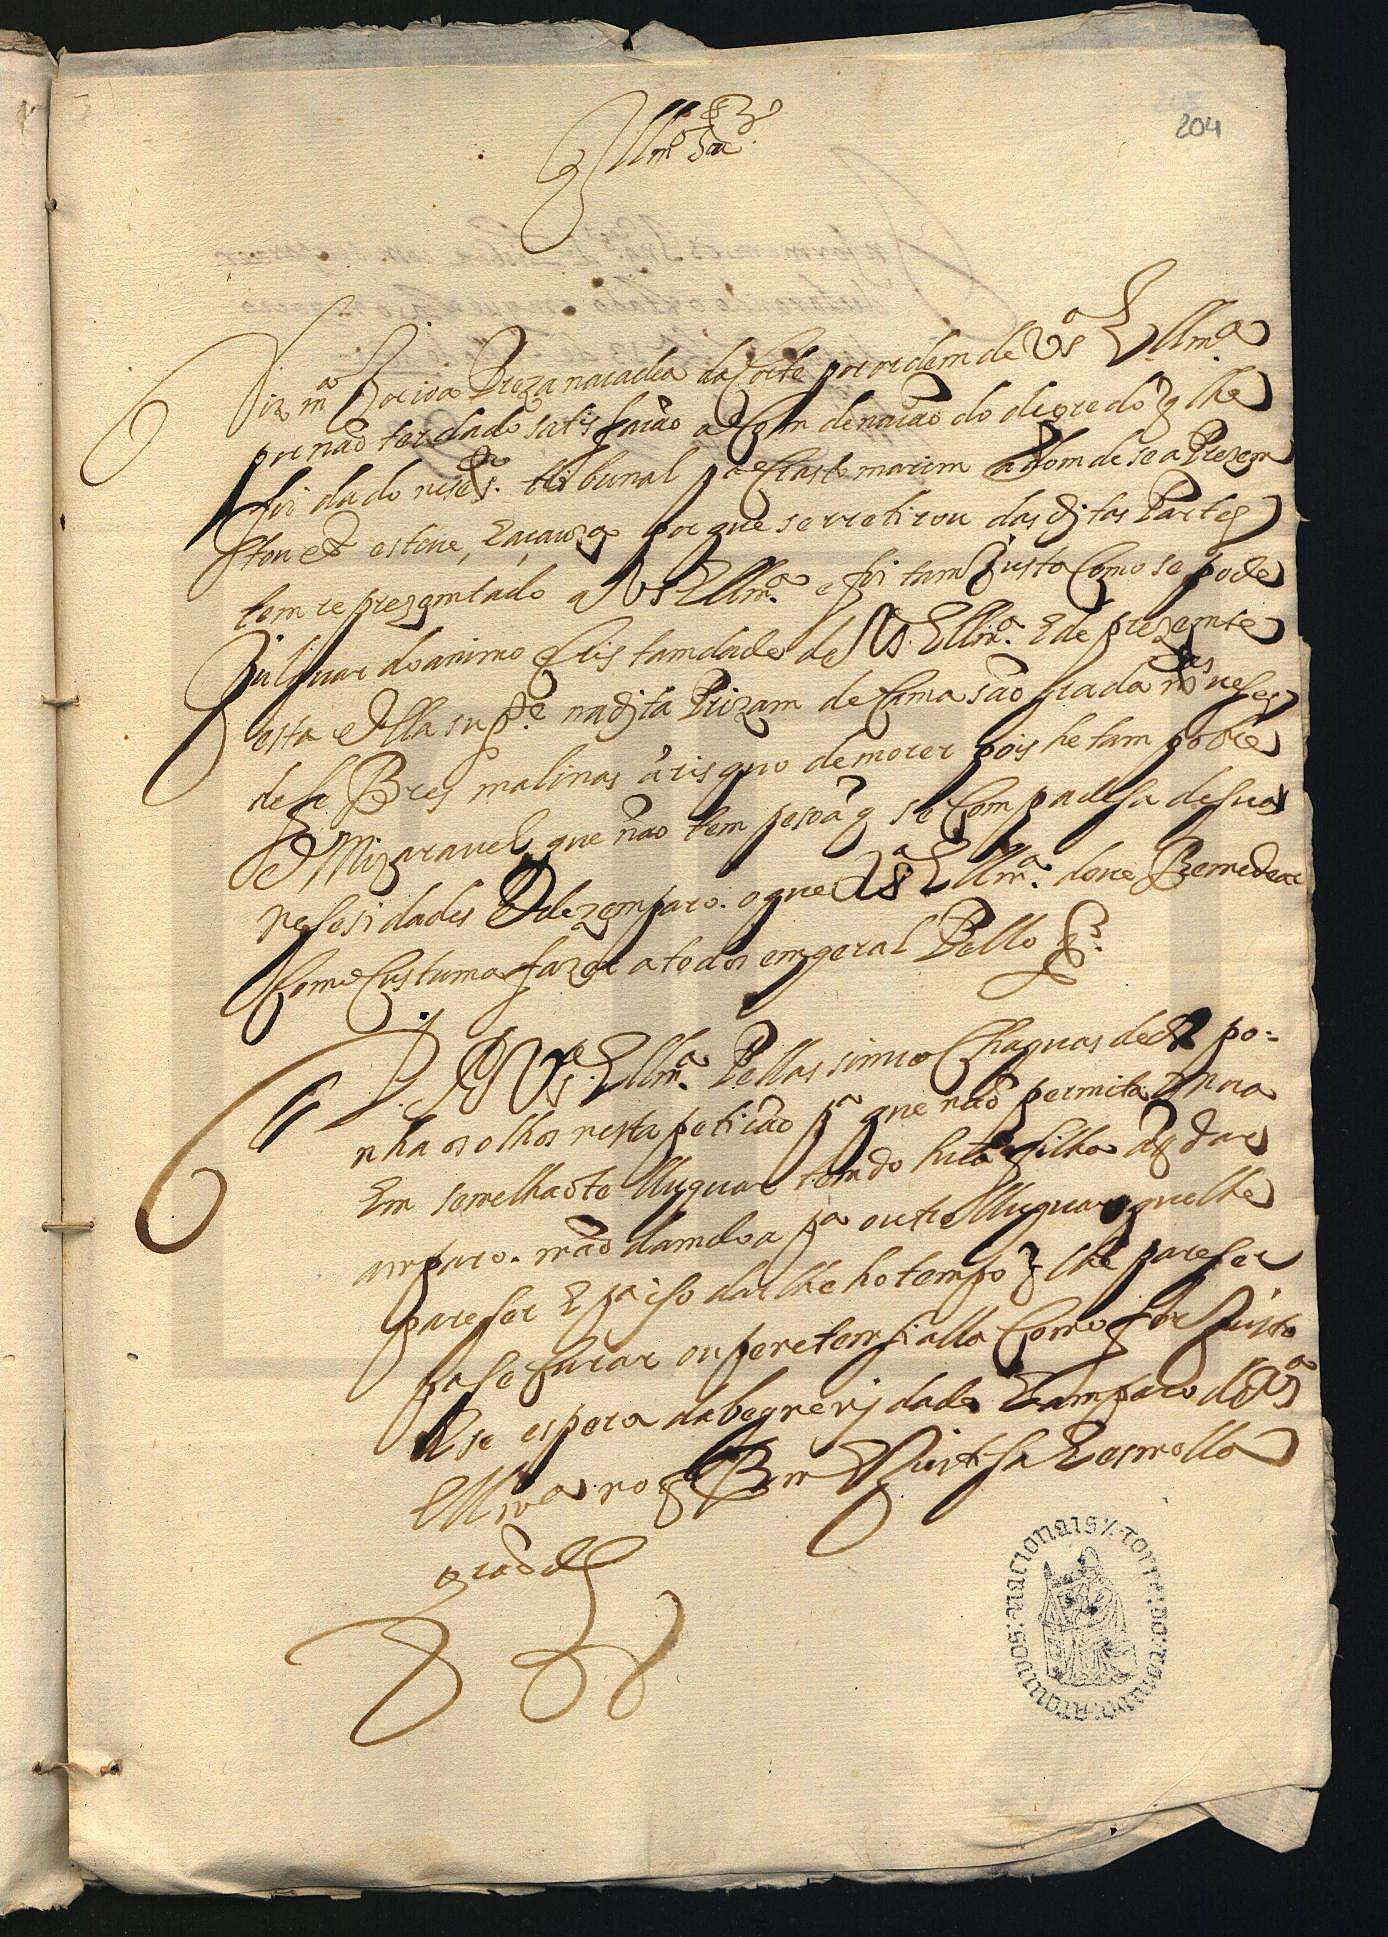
Jllmo Sn.r
Diz ma Jorioa Preza na cadea da Corte por ordem de Vsa Ellm.a
por naõ ter dado satisfição a Comdenaçaõ do degredo q̄ lhe
foi dado neste sto. tribunal pa Crasto marim adomde se aPrezem
tou e esteue, E a cauza por que se rretirou das ditas Partes
tem reprezemtado a Vs Ellm.a e foi tam Justa Como se pode
Julguar do animo e Cristamdade de Vsa Ellm.a E de prezente
esta ella sup.te na djta Prizam de Cama saõgrada mtas ueses
de feBres malinas á risquo de morer pois he tam pobre
e Mizerauel que não tem pesoa q̄ se Compadesa de suas
necesidades e dezemparo o que Vsa Ellm.a deue Remedear
Como Custuma fazer a todos em geral Pello q̄.
P A Vsa Ellm.a Pellas simco Chaguas de Xo po
nha os olhos nesta petição pa que naõ permita mora
Em semelhaõte lluguar temdo huā filha a q̄ dar
amparo. mãodamdo a pa outro lluguar que lhe
pareser E pa iso dar lhe ho tempo q̄ lhe pareser
pa se Curar ou penetemsialla Como for Justo
E se espera da begnenjdade E amparo de Vsa
Ellma no q̄ R m E Justisa E esmolla
graõde
